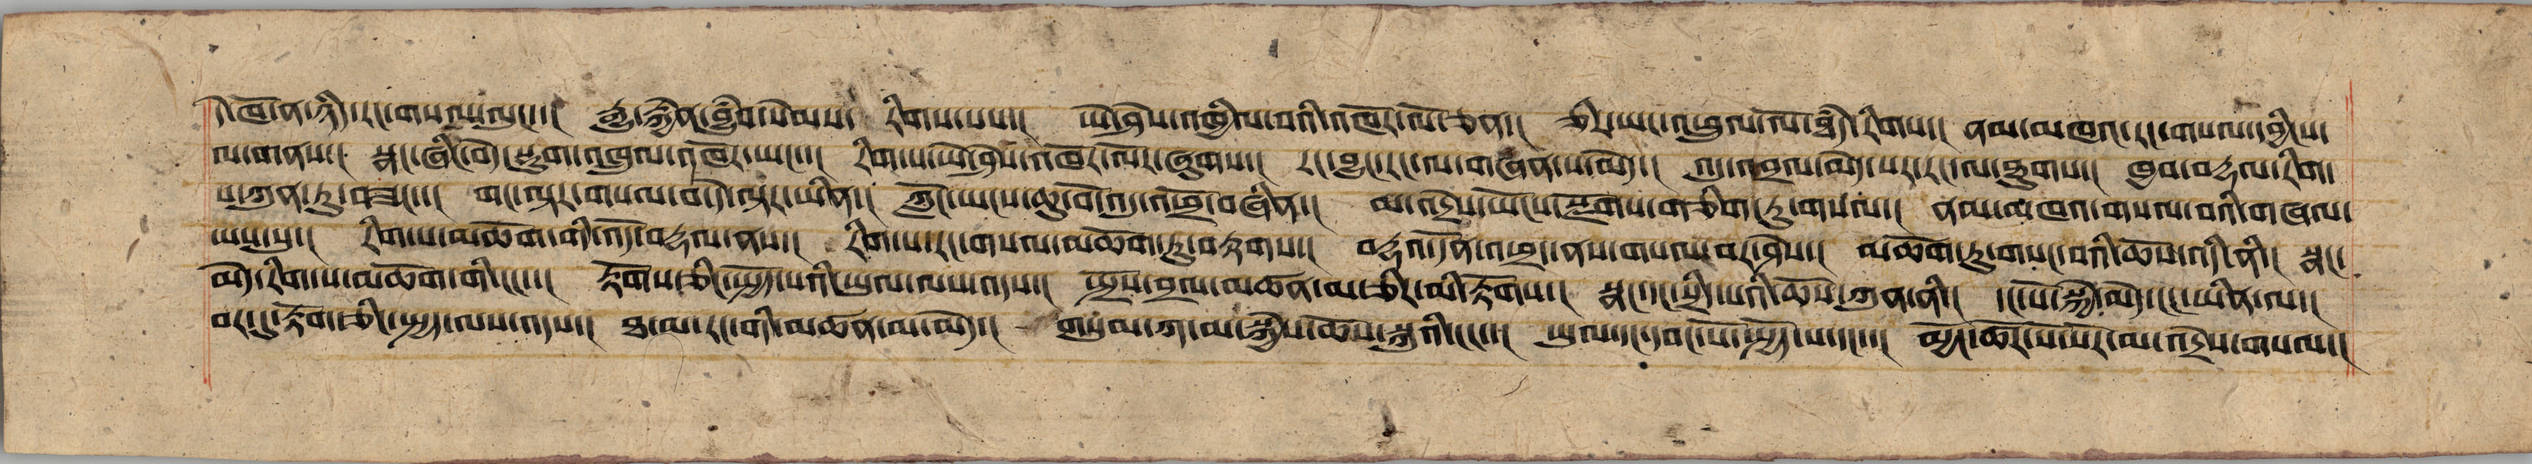དེ་ཁོ་ན་ཉིད་རང་གསལ་ལུང་་། རྒྱུ་རྐྱེན་བྱུཾབ་སེམས་ རིགས་པས་། ཡེ་ཤེས་འཁྱིལ་བའི་འཁོར་ལོ་ཅན་། ཅིར་ཡང་འཕྲུལ་ལོ་ཐཾད་རིགས་། ནམ་མཁའ་རང་གསལ་དབྱིངས་
ལ་གནས་། སྣང་ཞིང་བདེ་སྡུག་འཁྲུལ་འཁོར་ཡང་་། རིག་པ་ཡེ་ཤེས་འཁོར་ལོར་ཞུགས་། རང་བྱུང་རང་ལ་གཞན་པ་མེད་། འདུ་འབྲལ་མེད་པར་རང་ལ་ཐུགས་། ཁྱབ་བརྡལ་རིག་
པ་ཀུན་ཏུ་བཟང་་། གང་ལྟར་གསལ་བ་དེ་ལྟར་ཡིན་། ཀློང་ཡངས་ཆུ་བོ་འདུ་འཕྲོ་བཞིན་། ཚ་འདྲེས་ཡོངས་སྫོགས་གཅིག་ཏུ་གསལ་། ནམ་མཁའ་གསལ་བའི་གཞལ་
ཡས་སུ་། རིག་པ་མཆོག་གི་འོད་བརྡལ་ནས་། རིག་པ་རང་གསལ་མཆོག་ཏུ་བརྟགས་། བརྡའ་དོན་འཕྲད་ནས་གསལ་བར་ཤེས་། མཆོག་ཏུ་གསང་བའི་ཆོས་འདི་ནི་། སྣང་
མེད་རིག་པ་མཆོག་གི་ངང་་། རྟོགས་ཅིང་སྤྱོད་པའི་ཡུལ་ལས་འདས་། སྤྲོས་བྲལ་མཚན་མ་ཅིར་མི་རྟོགས་། སྣང་དང་སྲིད་པའི་ཆོས་ཀུན་ནི་། དང་པོ་སྐྱེ་མེད་ངང་ཡིན་ལ་།
བར་དུ་རྟོག་ཅིང་སྤྱད་ལས་འདས་། ཐ་མ་རང་གི་མཚན་མ་མེད་། གསུམ་ཀ་མ་སྐྱེས་ཆོས་སྐུའི་ངང་་། ཡུལ་དང་དབང་པོ་སྤྱོད་པ་དང་་། མྱོང་ཚོར་སོ་སོར་མ་འདྲེས་གསལ་།